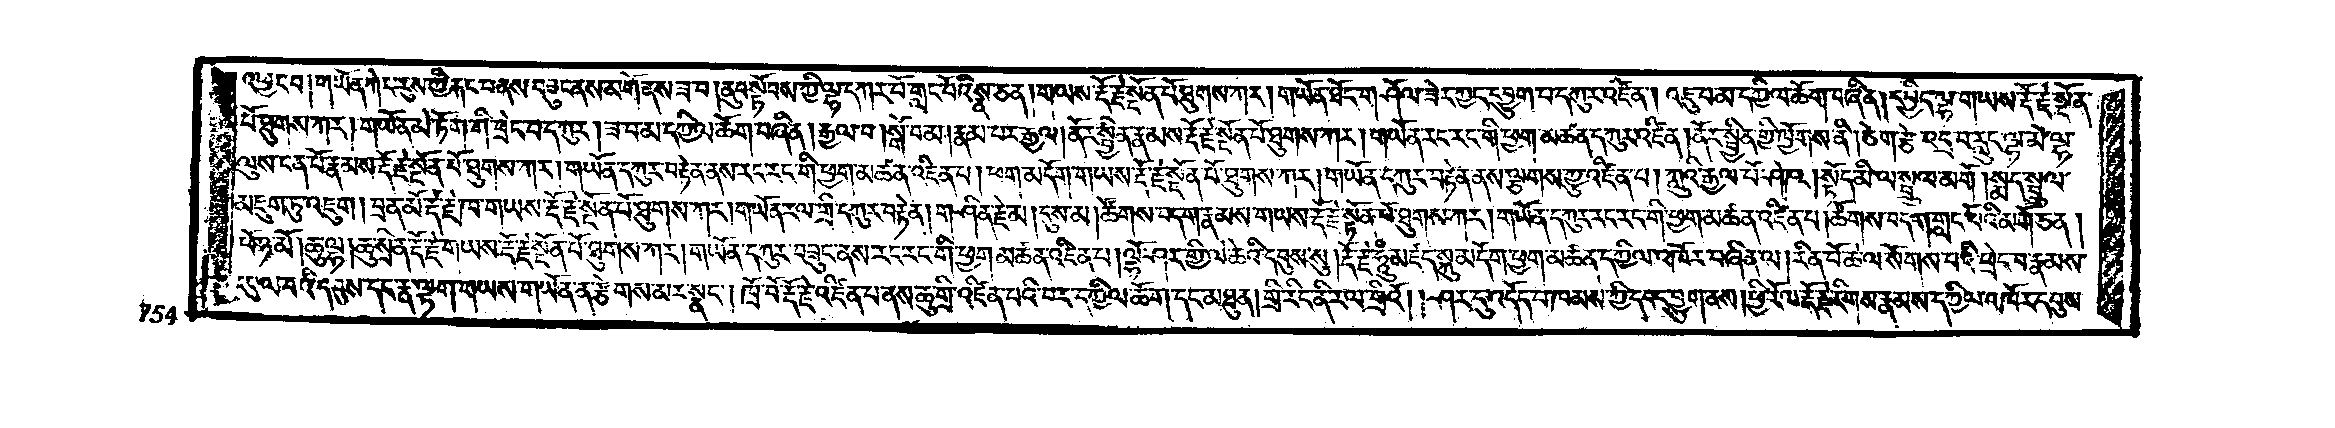འཕྱར་བ། གཡོན་ཀེང་རུས་ཀྱི་རྐང་པ་ནས་བཟུང་ནས་མགོ་ནས་ཟ་བ། ནུབ་སྟོབས་ཀྱི་ལྷ་དཀར་པོ་གླང་པོའི་སྣ་ཅན། གཡས་རྡོ་རྗེ་སྔོན་པོ་ཐུགས་ཀར། གཡོན་ཐོང་གཤོལ་ཟེར་ཀྱང་དབྱུག་པ་དཀུར་འཛིན། འཇུ་བ་མ་དཀྱིལ་ཆོག་བཞིན། དྥྱིད་ལྷ་གཡས་རྡོ་རྗེ་སྔོན་
པོ་ཐུགས་ཀར། གཡོན་མེ་ཏོག་གི་ཕྲེང་བ་དཀུར། ཟ་བ་མ་དཀྱིལ་ཆོག་བཞིན། རྒྱལ་བ། སྒོ་བམ། རྣམ་པར་རྒྱལ། ནོར་སྦྱིན་རྣམས་རྡོ་རྗེ་སྔོན་པོ་ཐུགས་ཀར། གཡོན་རང་རང་གི་ཕྱག་མཚན་དཀུར་འཛིན། ནོར་སྦྱིན་གྱི་ཁྱོགས་ནི། ཅེག་རྩེ་འདྲ་བ་རླུང་ལྷ་མི་ལྷ་
ལུས་ངན་པོ་རྣམས་རྡོ་རྗེ་སྔོན་པོ་ཐུགས་ཀར་།གཡོན་དཀུར་བརྟེན་ནས་རང་རང་གི་ཕྱག་མཚན་འཛིན་པ། ཕག་མདོག་གཡས་རྡོ་རྗེ་སྔོན་པོ་ཐུགས་ཀར། གཡོན་དཀུར་བརྟེན་ནས་ལྕགས་ཀྱུ་འཛིན་པ། ཀླུའི་རྒྱལ་པོ་ཤེ་ཥ་།སྟོད་མི་ལ་སྦྲུལ་མགོ །སྨད་སྦྲུལ་
མཇུག་ཏུ་འཇུག །བྲན་མོ་རྡོ་རྗེ་ཁ་གཡས་རྡོ་རྗེ་སྔོན་པོ་ཐུགས་ཀར། གཡོན་རལ་གྲི་དཀུར་བརྟེན། གཤིན་རྗེ་མ། དུས་མ། ཚོགས་བདག་རྣམས་གཡས་རྡོ་རྗེ་སྔོན་པོ་ཐུགས་ཀར། གཡོན་དཀུར་རང་རང་གི་ཕྱག་མཚན་འཛིན་པ། ཚེགས་བདག་གླང་པོའི་མགོ་ཅན།
ཕོ་ཉ་མོ། ཆུ་ལྷ། ཆུ་སྲིན་རྡོ་རྗེ་གཡས་རྡོ་རྗེ་སྔོན་པོ་ཐུགས་ཀར། གཡོན་དཀུར་བཟུང་ནས་རང་རང་གི་ཕྱག་མཚན་འཛིན་པ། ལྷོ་ཤར་གྱི་ལེ་ཆེའི་དབུས་སུ། རྡོ་རྗེ་ཧཱུཾ་མཛད་སྐུ་མདོག་ཕྱག་མཚན་དཀྱིལ་འཁོར་བཞིན་ལ། རིན་པོ་ཆེ་ལ་སོགས་པའི་ཕྲེང་བ་རྣམས་
དཔྲལ་བའི་དབུས་དང་རྣ་ལྟག་གཡས་གཡོན་ན་རྩེགས་མར་སྣང་། ཁྲོ་བོ་རྡོ་རྗེ་འཛིན་པ་ནས་ཆུ་གྲི་འཛིན་པའི་བར་དཀྱིལ་ཆོག་དང་མཐུན། གྲི་རིང་ནི་རལ་གྲིའོ། །ཤར་དུ་འདོད་པ་ཁམས་ཀྱི་དབང་ཕྱུག་ནས། ཕྱི་རོལ་རྡོ་རྗེ་རིགས་རྣམས་དཀྱིལ་འཁོར་དབུས་